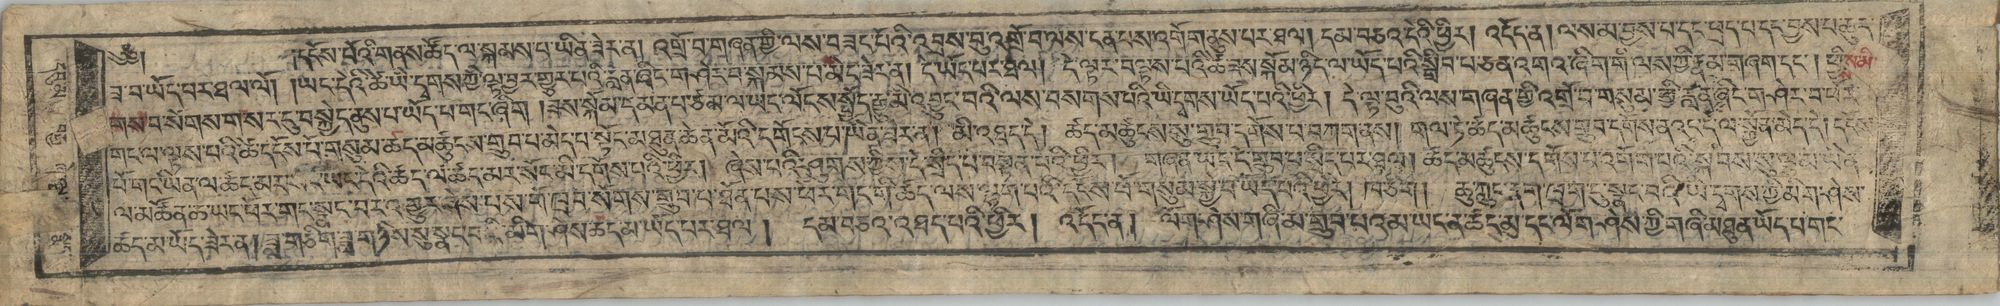༄༅། ༑དངོས་པོའི་གནས་ཚོད་ལ་སྐམས་པ་ཡིན་ཟེར་ན། འགྲོ་བ་གཞན་གྱི་ལས་བཟང་པོའི་འབྲས་བུ་འགྲོ་བ་ལས་ངན་པས་འགོག་ནུས་པར་ཐལ། དམ་བཅའ་དེའི་ཕྱིར། འདོད་ན། ལས་མ་བྱས་པ་དང་ཕྲད་པ་དང་བྱས་པ་ཆུད་
ཟ་བ་ཡོད་པར་ཐལ་ལོ། །ཡང་དེའི་ཚེ་ཡི་དྭགས་ཀྱི་ལྟ་བྱར་གྱུར་པའི་རླན་ཞིང་གཤེར་བ་སྐམས་པ་མེད་ཟེར་ན། དེ་ཡོད་པར་ཐལ། དེ་ལྟར་བལྟས་པའི་ཚེ་ཟས་སྐོམ་ཉིད་ལ་ཡོད་པའི་སྒྲིབ་པ་ཅན་འགའ་ཞིག་གི་ལས་ཀྱི་རྣམ་གཞག་དང་། ཕྱི་མི་
དམིཌ་བ་སོགས་གསར་དུ་བསྐྱེད་ནུས་པ་ཡོད་པ་གང་ཞིག །ཟས་སྐོམ་དམན་པ་ཙམ་ལ་ཡང་ལོངས་སྤྱོད་རྒྱུ་མི་འབྱུང་བའི་ལས་བསགས་པའི་ཡི་དྭགས་ཡོད་པའི་ཕྱིར། དེ་ལྟ་བུའི་ལས་གཞན་གྱི་འགྲོ་བ་གསུམ་གྱི་རླན་ཞིང་གཤེར་བ་ཕོར་
གང་ལ་ལྟས་པའི་ཆེ་དངོས་པོ་གསུམ་ཚད་མཚུངས་གྲུབ་པ་མེད་པ་སྟོང་མཐུན་ཆེན་མོའི་དགོངས་པ་ཡིན་ཟེར་ན། མི་འཐད་དེ། ཚད་མཚུངས་སུ་གྲུབ་དགོས་པ་བཀག་ནས། གལ་ཏེ་ཚད་མཚུངས་གྲུབ་དགོས་ནའང་དེ་ལ་སྐྱོན་མེད་དེ། དངོས་
པོ་གང་ཡིན་ལ་ཚད་མར་སོང་ཡང་དེའི་ཚད་ལ་ཚད་མར་སོང་མི་དགོས་པའི་ཕྱིར། ཞེས་པའི་ཤུགས་ཀྱིས་དེ་སྲིད་པ་བསྟན་པའི་ཕྱིར། གཞན་ཡང་དེ་གྲུབ་པ་སྲིད་པར་ཐལ། ཚད་མཚུངས་དགོས་པ་འགོག་པའི་སྐབས་སུ་ལྷ་མ་ཡིན་
ལ་མཚོན་ཆ་ཡང་ཕོར་གང་སྣང་བར་འགྱུར་ཞེས་པས་གོ་ཁྲབ་སོགས་གྲུབ་པ་ཐོན་པས་ཕོར་གང་གི་ཚད་ལས་ལྷག་པའི་དངོས་པོ་གསུམ་སྐྱེ་བ་ཡོད་པའི་ཕྱིར། ཁ་ཅིག །ཆུ་ཀླུང་རྣག་ཁྲག་དུ་སྣང་བའི་ཡི་དྭགས་ཀྱི་མིག་ཤེས་
ཚད་མ་ཡོད་ཟེར་ན། ཟླ་གཅིག་ཟླ་གཉིས་སུ་སྣང་བའི་མིག་ཤེས་ཚད་མ་ཡོད་པར་ཐལ། དམ་བཅའ་འཐད་པའི་ཕྱིར། འདོད་ན། ལོག་ཤེས་གཞི་མ་གྲུབ་པའམ་ཡང་ན་ཚད་མ་དང་ལོག་ཤེས་ཀྱི་གཞི་མཐུན་ཡོད་པ་གང་